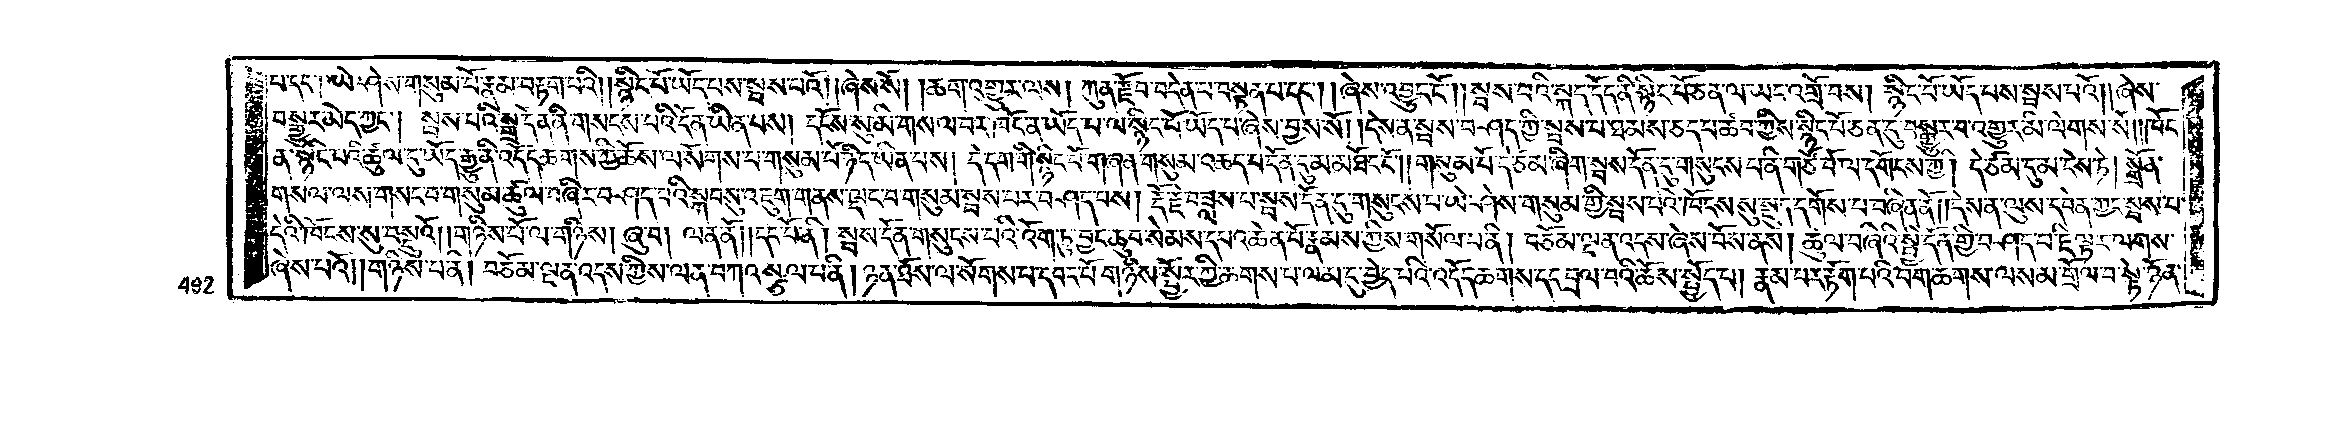པ་དང་། །ཡེ་ཤེས་གསུམ་པོ་རྣམ་བརྟག་པའི། །སྙིང་པོ་ཡོད་པས་སྦས་པའོ། །ཞེས་སོ། །ཆག་འགྱུར་ལས། ཀུན་རྫོབ་བདེན་པ་བསྟན་པ་དང་། །ཞེས་འབྱུང་ངོ། །སྦས་པའི་སྐད་དོད་ནི་སྙིང་པོ་ཅན་ལ་ཡང་འགྲོ་བས། སྙིང་པོ་ཡོད་པས་སྦས་པའོ། །ཞེས་
བསྒྱུར་མོད་ཀྱང་། སྦས་པའི་སྒྲ་དོན་ནི་གསངས་པའི་དོན་ཡིན་པས། དངོས་སུ་མི་གསལ་བར་ཁོང་ན་ཡོད་པ་ལ་སྙིང་པོ་ཡོད་པ་ཞེས་བྱས་སོ། །དེས་ན་སྦས་བཤད་ཀྱི་སྦས་པ་ཐམས་ཅད་པ་ཚབ་ཀྱིས་སྙིང་པོ་ཅན་དུ་བསྒྱུར་བ་འགྱུར་མི་ལེགས་སོ། །ཁོང་
ན་སྙིང་པའི་ཚུལ་དུ་ཡོད་རྒྱུ་ནི་འདོད་ཆགས་ཀྱི་ཆོས་ལ་སོགས་པ་གསུམ་པོ་ཉིད་ཡིན་པས། དེ་དག་གི་སྙིང་པོ་གཞན་གསུམ་འཆད་པ་དོན་དུ་མ་མཐོང་ངོ། །གསུམ་པོ་དེ་ཙམ་ཞིག་སྦས་དོན་དུ་གསུངས་པ་ནི་གཙོ་བོ་ལ་དགོངས་ཀྱི། དེ་ཙམ་དུ་མ་ངེས་ཏེ། སྒྲོན་
གསལ་ལས་གསང་བ་གསུམ་ཚུལ་བཞིར་བཤད་པའི་སྐབས་སུ་འཇུག་གནས་ལྡང་བ་གསུམ་སྦས་པར་བཤད་པས། རྡོ་རྗེ་བཟླས་པ་སྦས་དོན་དུ་གསུངས་པ་ཡེ་ཤེས་གསུམ་གྱི་སྦས་པའི་ཁོངས་སུ་སྡུད་དགོས་པ་བཞིན་ནོ། །དེས་ན་ལུས་དབེན་ཀྱང་སྦས་པ་
དེའི་ཁོངས་སུ་བསྡུའོ། །གཉིས་པ་ལ་གཉིས། ཞུ་བ། ལན་ནོ། །དང་པོ་ནི། སྦས་དོན་གསུངས་པའི་འོག་ཏུ་བྱང་ཆུབ་སེམས་དཔའ་ཆེན་པོ་རྣམས་ཀྱིས་གསོལ་བ་ནི། བཅོམ་ལྡན་འདས་ཞེས་བོས་ནས། ཚུལ་བཞིའི་སྤྱི་དོན་གྱི་བཤད་པ་ཇི་ལྟར་ལགས་
ཞེས་པའོ། །གཉིས་པ་ནི། བཅོམ་ལྡན་འདས་ཀྱིས་ལན་བཀའ་སྩལ་པ་ནི། ཉན་ཐོས་ལ་སོགས་པ་དབང་པོ་གཉིས་སྦྱོར་གྱི་ཆགས་པ་ལམ་དུ་བྱེད་པའི་འདོད་ཆགས་དང་བྲལ་བའི་ཆོས་སྤྱོད་པ། རྣམ་པར་རྟོག་པའི་བག་ཆགས་ལས་མ་གྲོལ་བ་སྟེ་ཉོན་